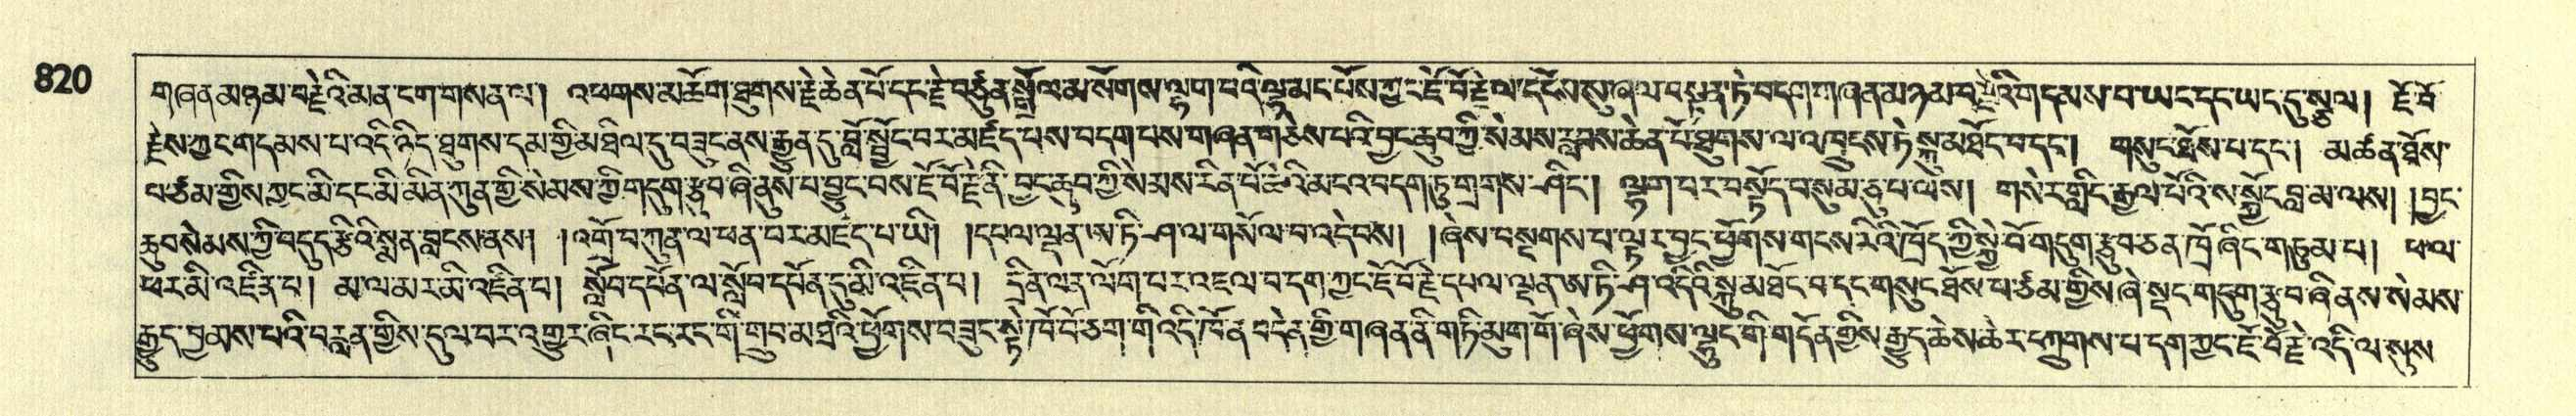གཞན་མཉམ་བརྗེའི་མན་ངག་གསན་ལ། འཕགས་མཆོག་ཐུགས་རྗེ་ཆེན་པོ་དང་རྗེ་བཙུན་སྒྲོལ་མ་སོགས་ལྷག་པའི་ལྷ་མང་པོས་ཀྱང་ཇོ་བོ་རྗེ་ལ་དངོས་སུ་ཞལ་བསྟན་ཏེ་བདག་གཞན་མཉམ་བརྗེའི་གདམས་པ་ཡང་དང་ཡང་དུ་སྩལ། ཇོ་བོ་
རྗེས་ཀྱང་གདམས་པ་འདི་ཉིད་ཐུགས་དམ་གྱི་མཐིལ་དུ་བཟུང་ནས་རྒྱུན་དུ་བློ་སྦྱོང་བར་མཛད་པས་བདག་པས་གཞན་གཅེས་པའི་བྱང་ཆུབ་ཀྱི་སེམས་རླབས་ཆེན་པོ་ཐུགས་ལ་འཁྲུངས་ཏེ་སྐུ་མཐོང་བ་དང་། གསུང་ཐོས་པ་དང་། མཚན་ཐོས་
པ་ཙམ་གྱིས་ཀྱང་མི་དང་མི་མིན་ཀུན་གྱི་སེམས་ཀྱི་གདུག་རྩུབ་ཞི་ནུས་པ་བྱུང་བས་ཇོ་བོ་རྗེ་ནི་བྱང་ཆུབ་ཀྱི་སེམས་རིན་པོ་ཆེའི་མངའ་བདག་ཏུ་གྲགས་ཤིང་། ལྷག་བར་བསྟོད་བ་སུམ་ཅུ་པ་ལས། གསེར་གླིང་རྒྱལ་པོའི་ས་སྐྱོང་བླ་མ་ལས། །བྱང་
ཆུབ་སེམས་ཀྱི་བདུད་རྩིའི་སྨན་བླངས་ནས། །འགྲོ་བ་ཀུན་ལ་ཕན་བར་མཛད་པ་ཡི། །དཔལ་ལྡན་ཨ་ཏི་ཤ་ལ་གསོལ་བ་འདེབས། །ཞེས་བསྔགས་པ་ལྟར་བྱང་ཕྱོགས་གངས་རིའི་ཁྲོད་ཀྱི་སྐྱེ་བོ་གདུག་རྩུབ་ཅན་ཁྲོ་ཞིང་གཏུམ་པ། ཕ་ལ་
ཕར་མི་འཛིན་པ། མ་ལ་མར་མི་འཛིན་པ། སློབ་དཔོན་ལ་སློབ་དཔོན་དུ་མི་འཛིན་པ། དྲིན་ལན་ལོག་པར་འཇལ་བ་དག་ཀྱང་ཇོ་བོ་རྗེ་དཔལ་ལྡན་ཨ་ཏི་ཤ་འདིའི་སྐུ་མཐོང་བ་དང་གསུང་ཐོས་པ་ཙམ་གྱིས་ཞེ་སྡང་གདུག་རྩུབ་ཞི་ནས་སེམས་
རྒྱུད་བྱམས་པའི་བརླན་གྱིས་དུལ་བར་འགྱུར་ཞིང་རང་རང་གི་གྲུབ་མཐའི་ཕྱོགས་བཟུང་སྟེ་ཁོ་བོ་ཅག་གི་འདི་ཁོ་ན་བདེན་གྱི་གཞན་ནི་གཏི་མུག་གོ་ཞེས་ཕྱོགས་ལྷུང་གི་གདོན་གྱིས་རྒྱུད་ཆེས་ཆེར་དཀྲུགས་པ་དག་ཀྱང་ཇོ་བོ་རྗེ་འདི་ལ་སུས་